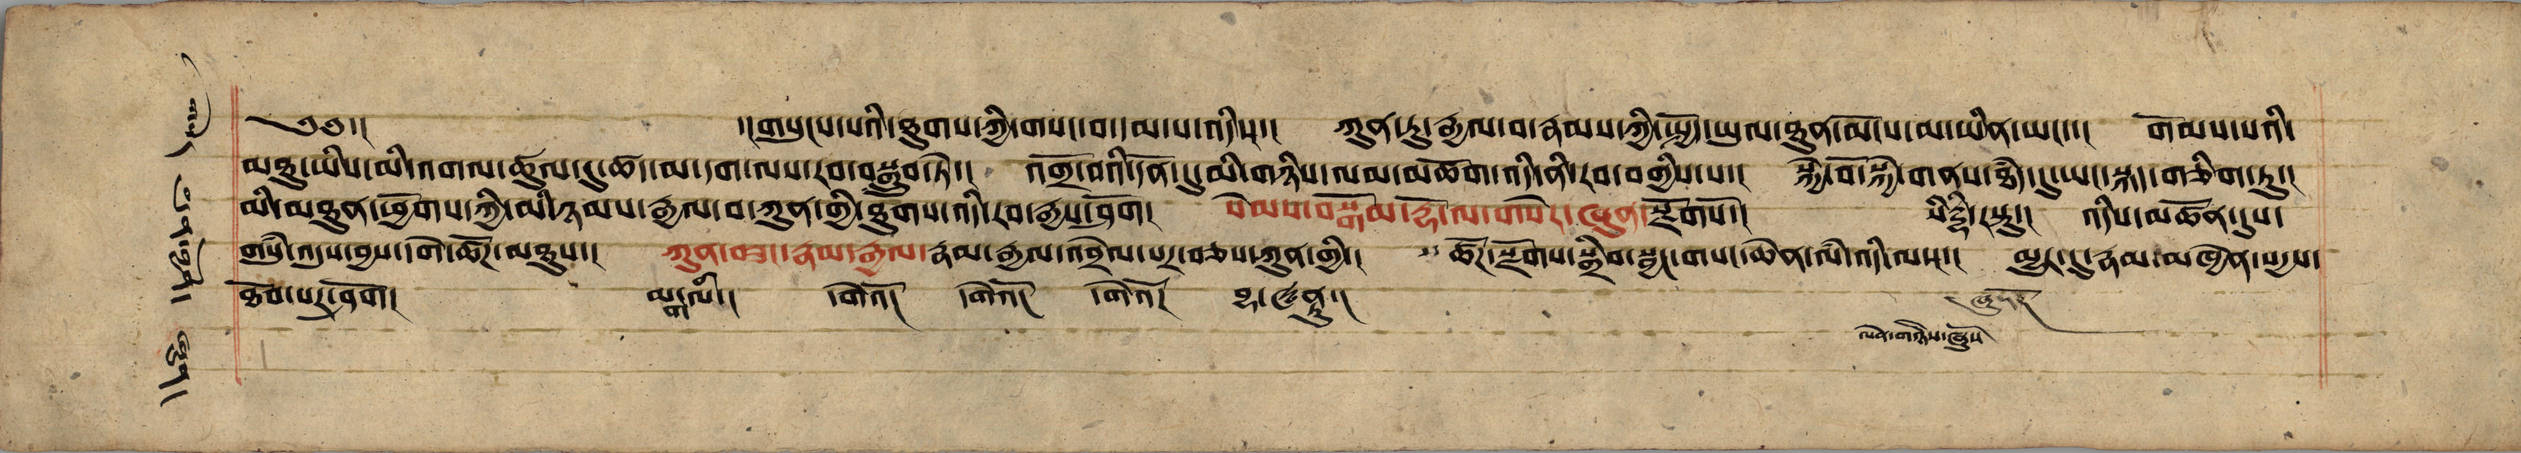༄༅་།། ་།གསུངས་པའི་ཐུགས་ཀྱི་གསང་བ་དམ་པ་འདིས་། ཀུན་ཏུ་རྒྱལ་བ་རྣམས་ཀྱི་སྤྱོད་ཡུལ་ཐུན་མོངས་མ་ཡིན་ཡང་་། གོམས་པའི་
མཐུ་ཡིས་མི་འགལ་ཚུལ་དུ་ཚད་མ་དག་ལས་རབ་བསྒྲུབ་ཏེ་། འགྲོ་བའི་དོན་དུ་མི་གཉིས་ལམ་མཆོག་འདི་ནི་རབ་བགྱིས་པ་། སྐྱེ་བོ་སྐྱེ་གནས་ཐདཾ་དུ་ཡང་སྐད་གཅིག་ཏུ་།
མི་མཐུན་ཕྱོགས་ཀྱི་མི་ཉམས་རྒྱལ་བ་ཀུན་གྱི་ཐུགས་འདི་རབ་རྒྱས་ཤོག། སེམས་བསྒོམ་རྡོ་ལ་གསཻར་ཞུན་སྫོགསོ་། སིདྡྷི་རསྟུ་། འདིས་མཚོན་དུས་
གསུཾ་འདུས་བྱས་དགེ་ཚོགས་མཐུས་། ཀུན་བཟང་རྣམ་རྒྱལ་རྣམ་རྒྱལ་འབྲེལ་པར་བཅས་ཀུན་གྱི་། ཚོཌ་སྫོགས་སྒྲིབ་སྦྱང་གསང་ཆེན་ལཾ་འདི་ལས་། མྱུར་དུ་རྣམ་མཁྱེན་སདྱས་